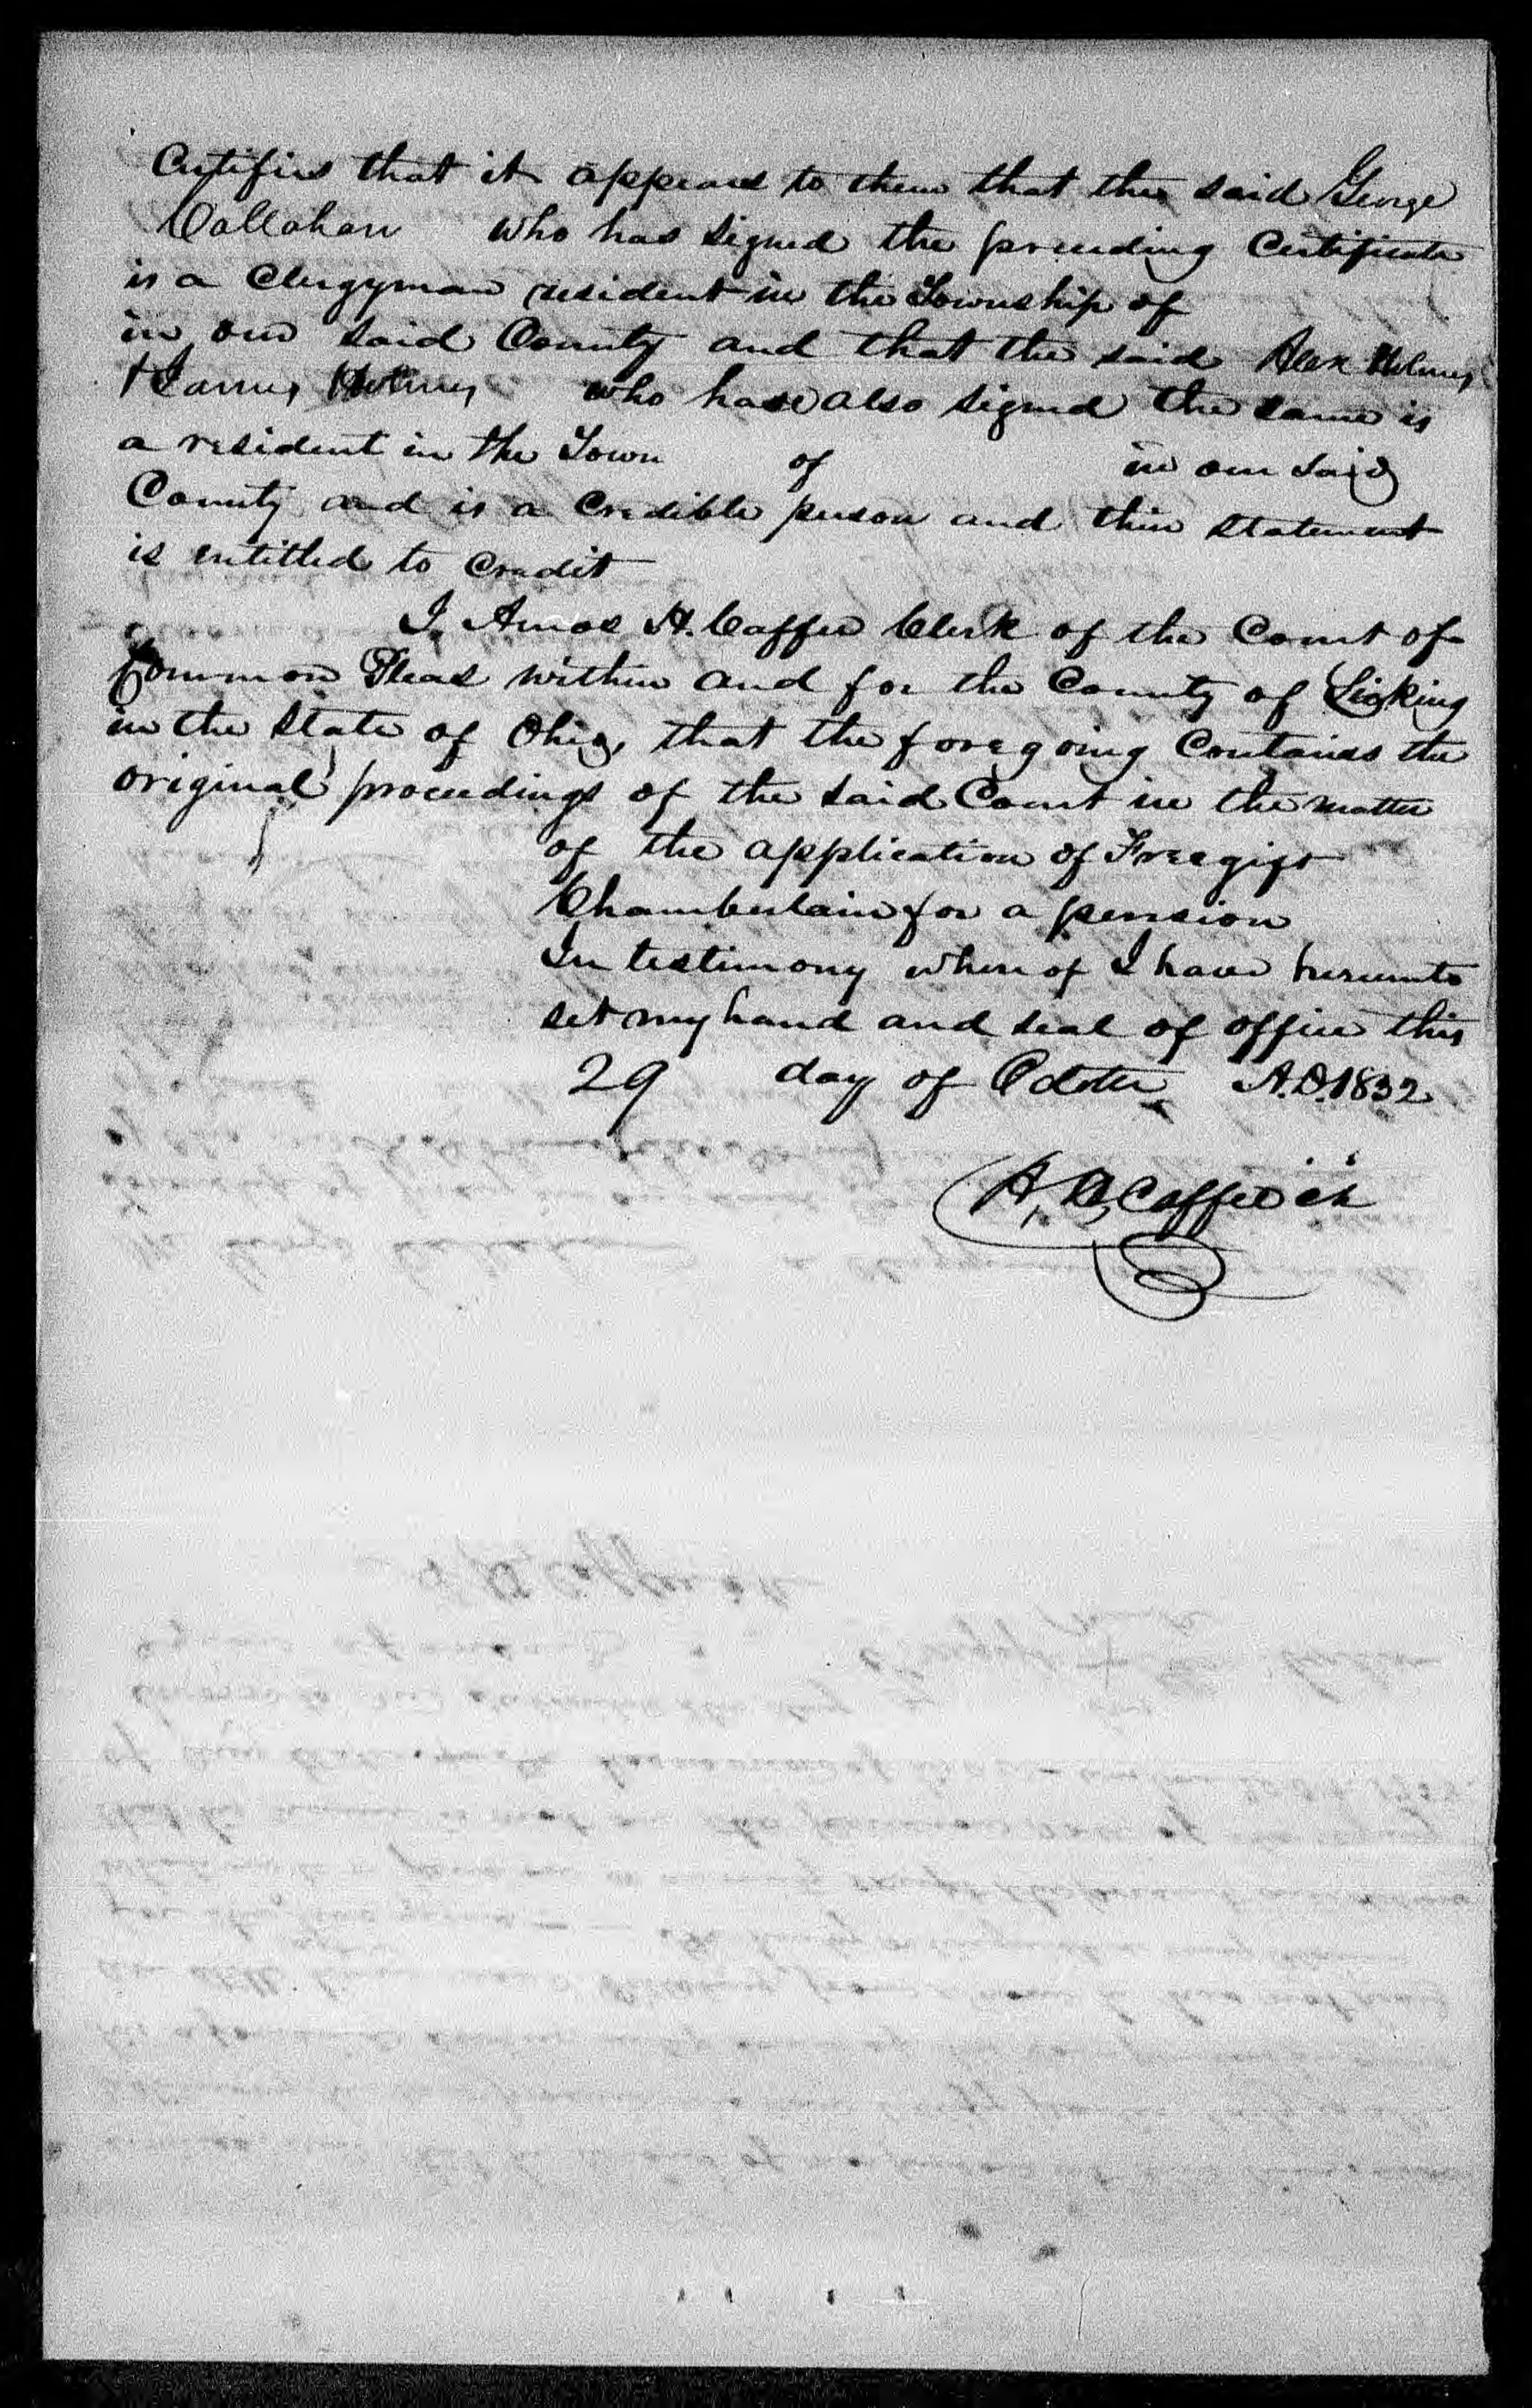certifies that it appears to them that the said George Callahan who has signed the preceding certificate is a clergyman resident in the Township of in and said County and that the said Alex & James Holmes who have also signed the same is a resident in the Town of in our said County and is a credible person and their statement is entitled to credit 
I Amos H. Caffee Clerk of the Court of Common Pleas within and for the County of Licking in the State of Ohio, that the foregoing contains the original proceedings of the said Court in the matter of the application of Freegift Chamberlain for a pension In testimony whereof I have hereunto set my hand and seal of office this day of October A.D. 1832
A H Coffee  ck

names: Freegift Chamberlain, Amos H Coffee, George Callahan, A H Coffee, James Holmes, Alex Holmes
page: 7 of 18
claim: survivor's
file: S. 3151, Freegift Chamberlain, Penn.